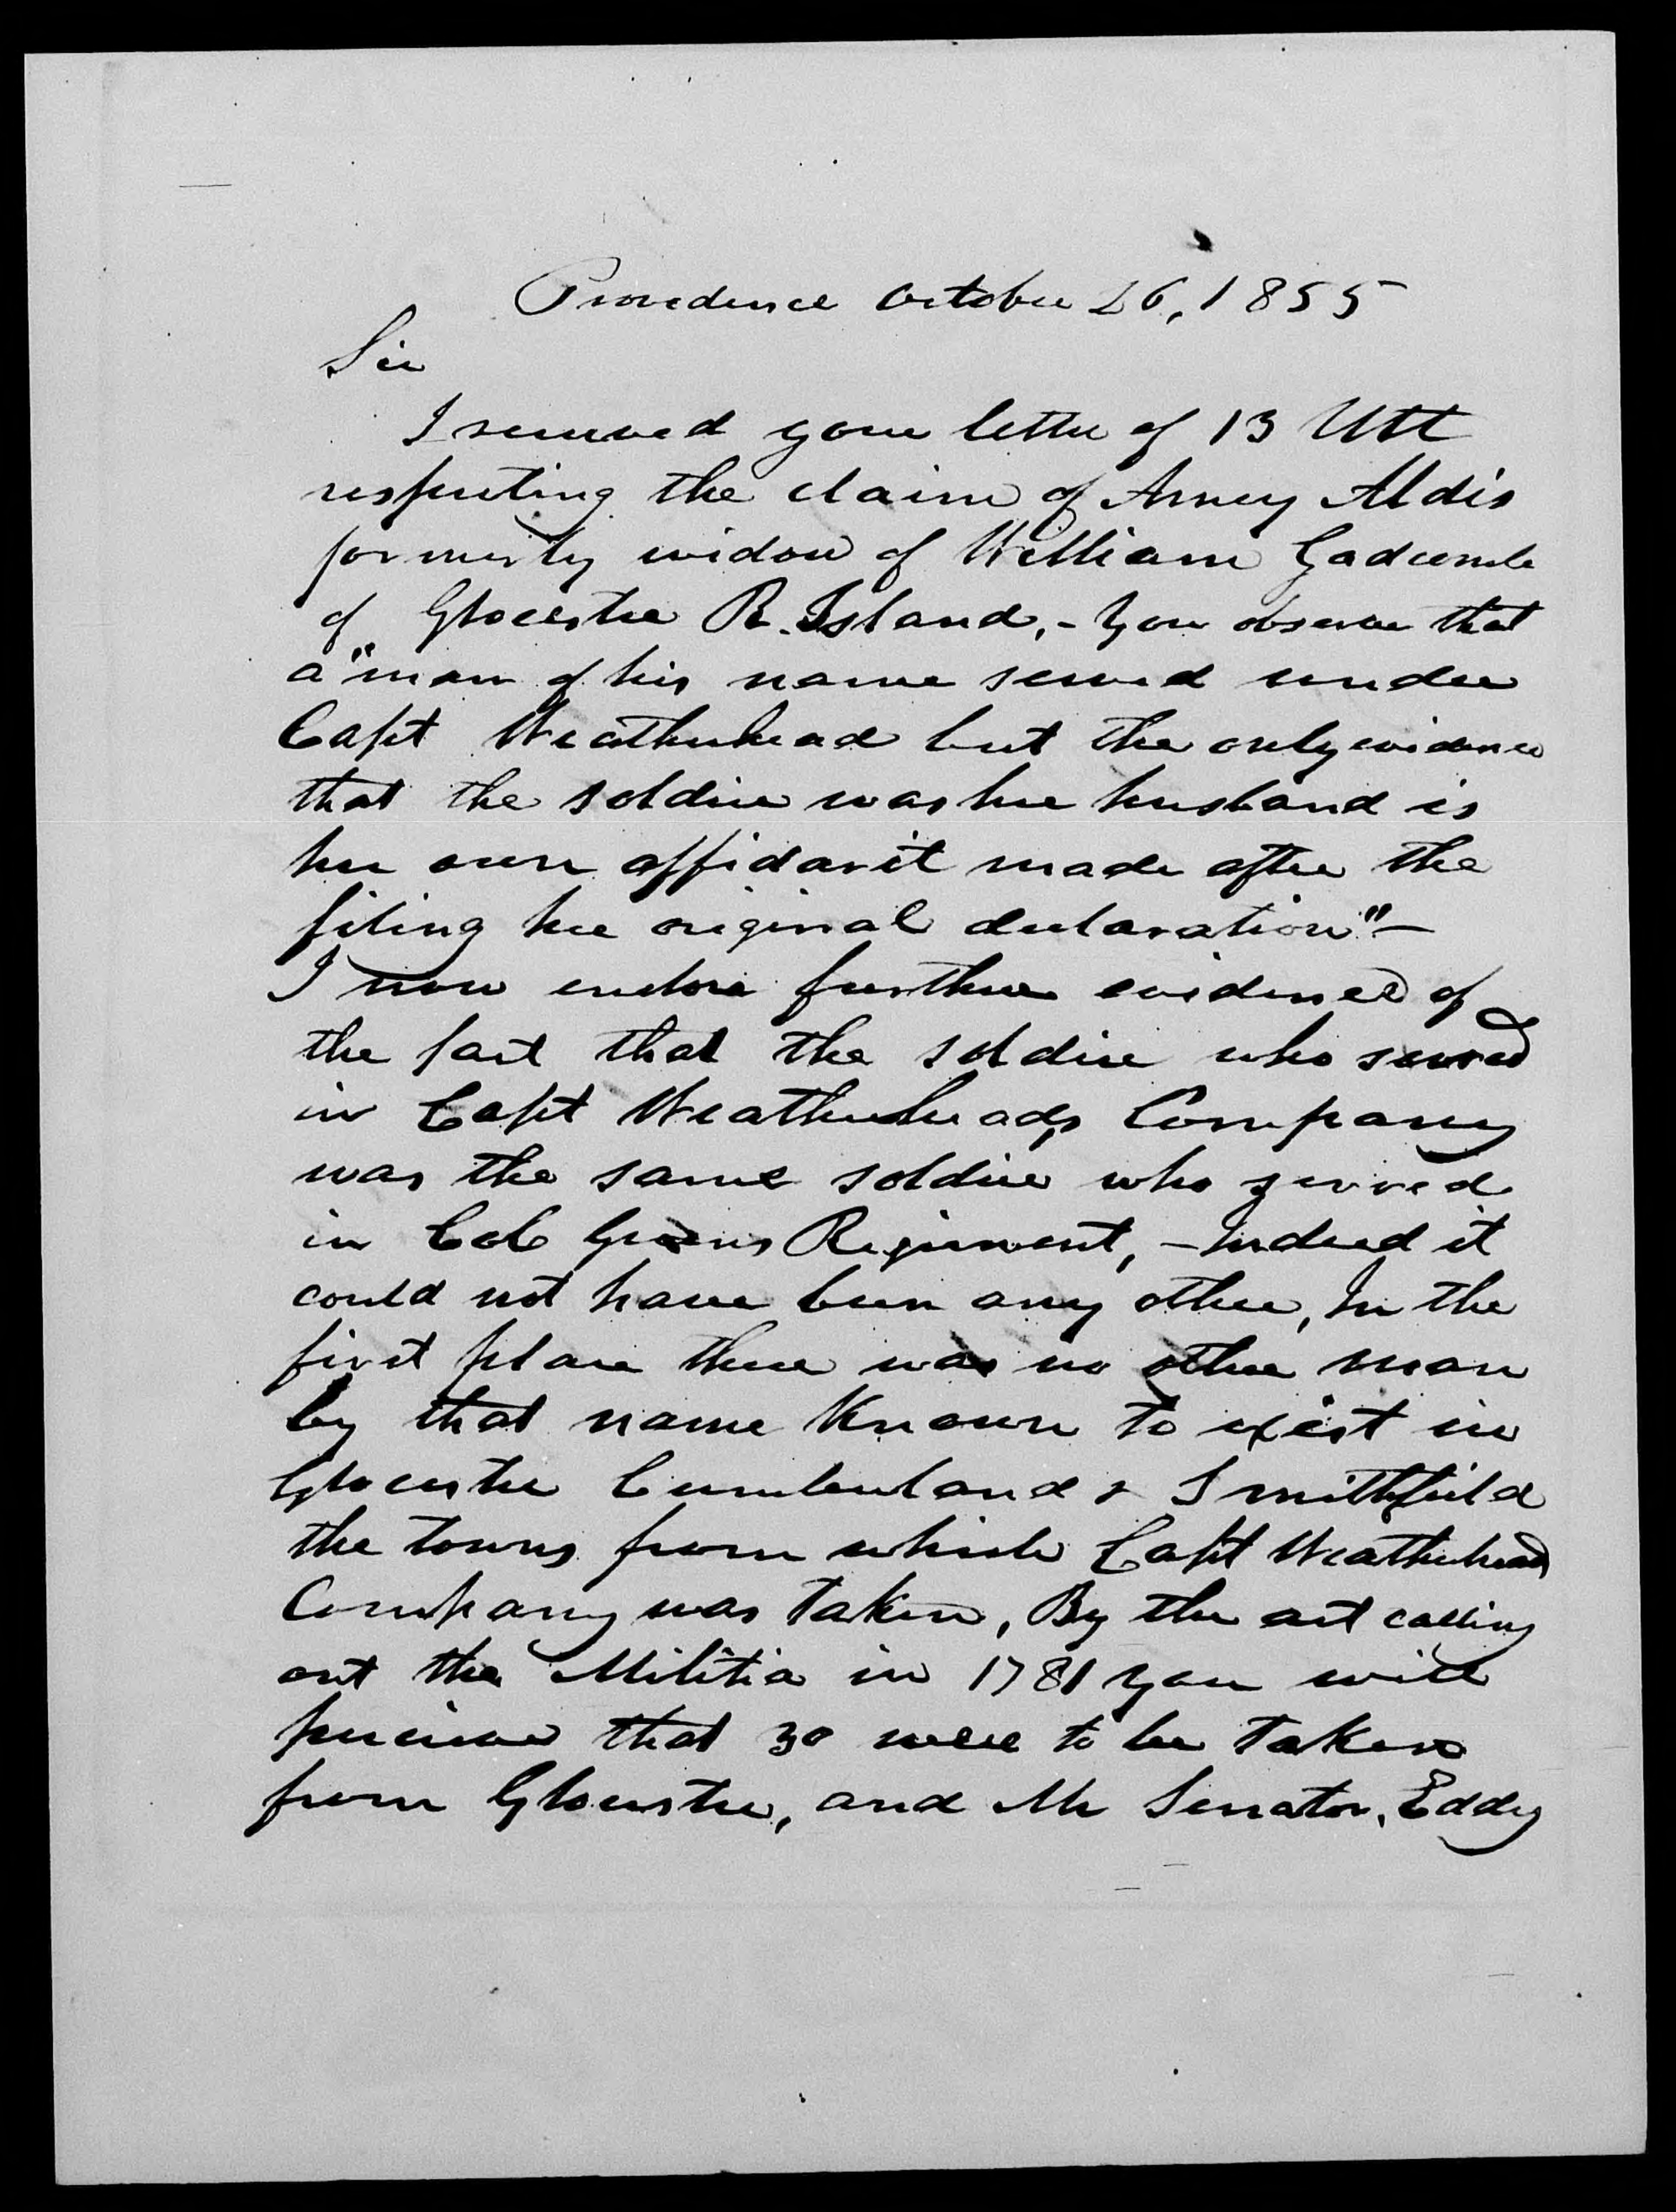Providence October 26, 1855
Sir I received your letter of 13 Ult respecting the claim of Amey Aldis formerly widow of William Gadcomb of Glocester R. Island. You observe that a "man of his name served under Capt. Weatherhead but the only evidence that the soldier was her husband is her own affidavit made after the filing her original declaration". I now enclose further evidence of the fact that the soldier who served in Capt. Weatherhead's Company was the same soldier who served in Col. [illegible] Regiment, Indeed it could not have been any other, In the first place there was no other man by that name knnown to exist in Glocester Cumberland & Smithfield the towns from which Capt. Weatherhead Company was taken. By the act calling out the Militia in 1781 you will percieve that 30 were to be taken from Glocester, and Mr Senator, Eddy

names: Amey Aldis, William Gadcomb, Weatherhead, Senator Eddy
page: 30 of 76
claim: widow's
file: W. 15,517, William Gadcomb, R.I.